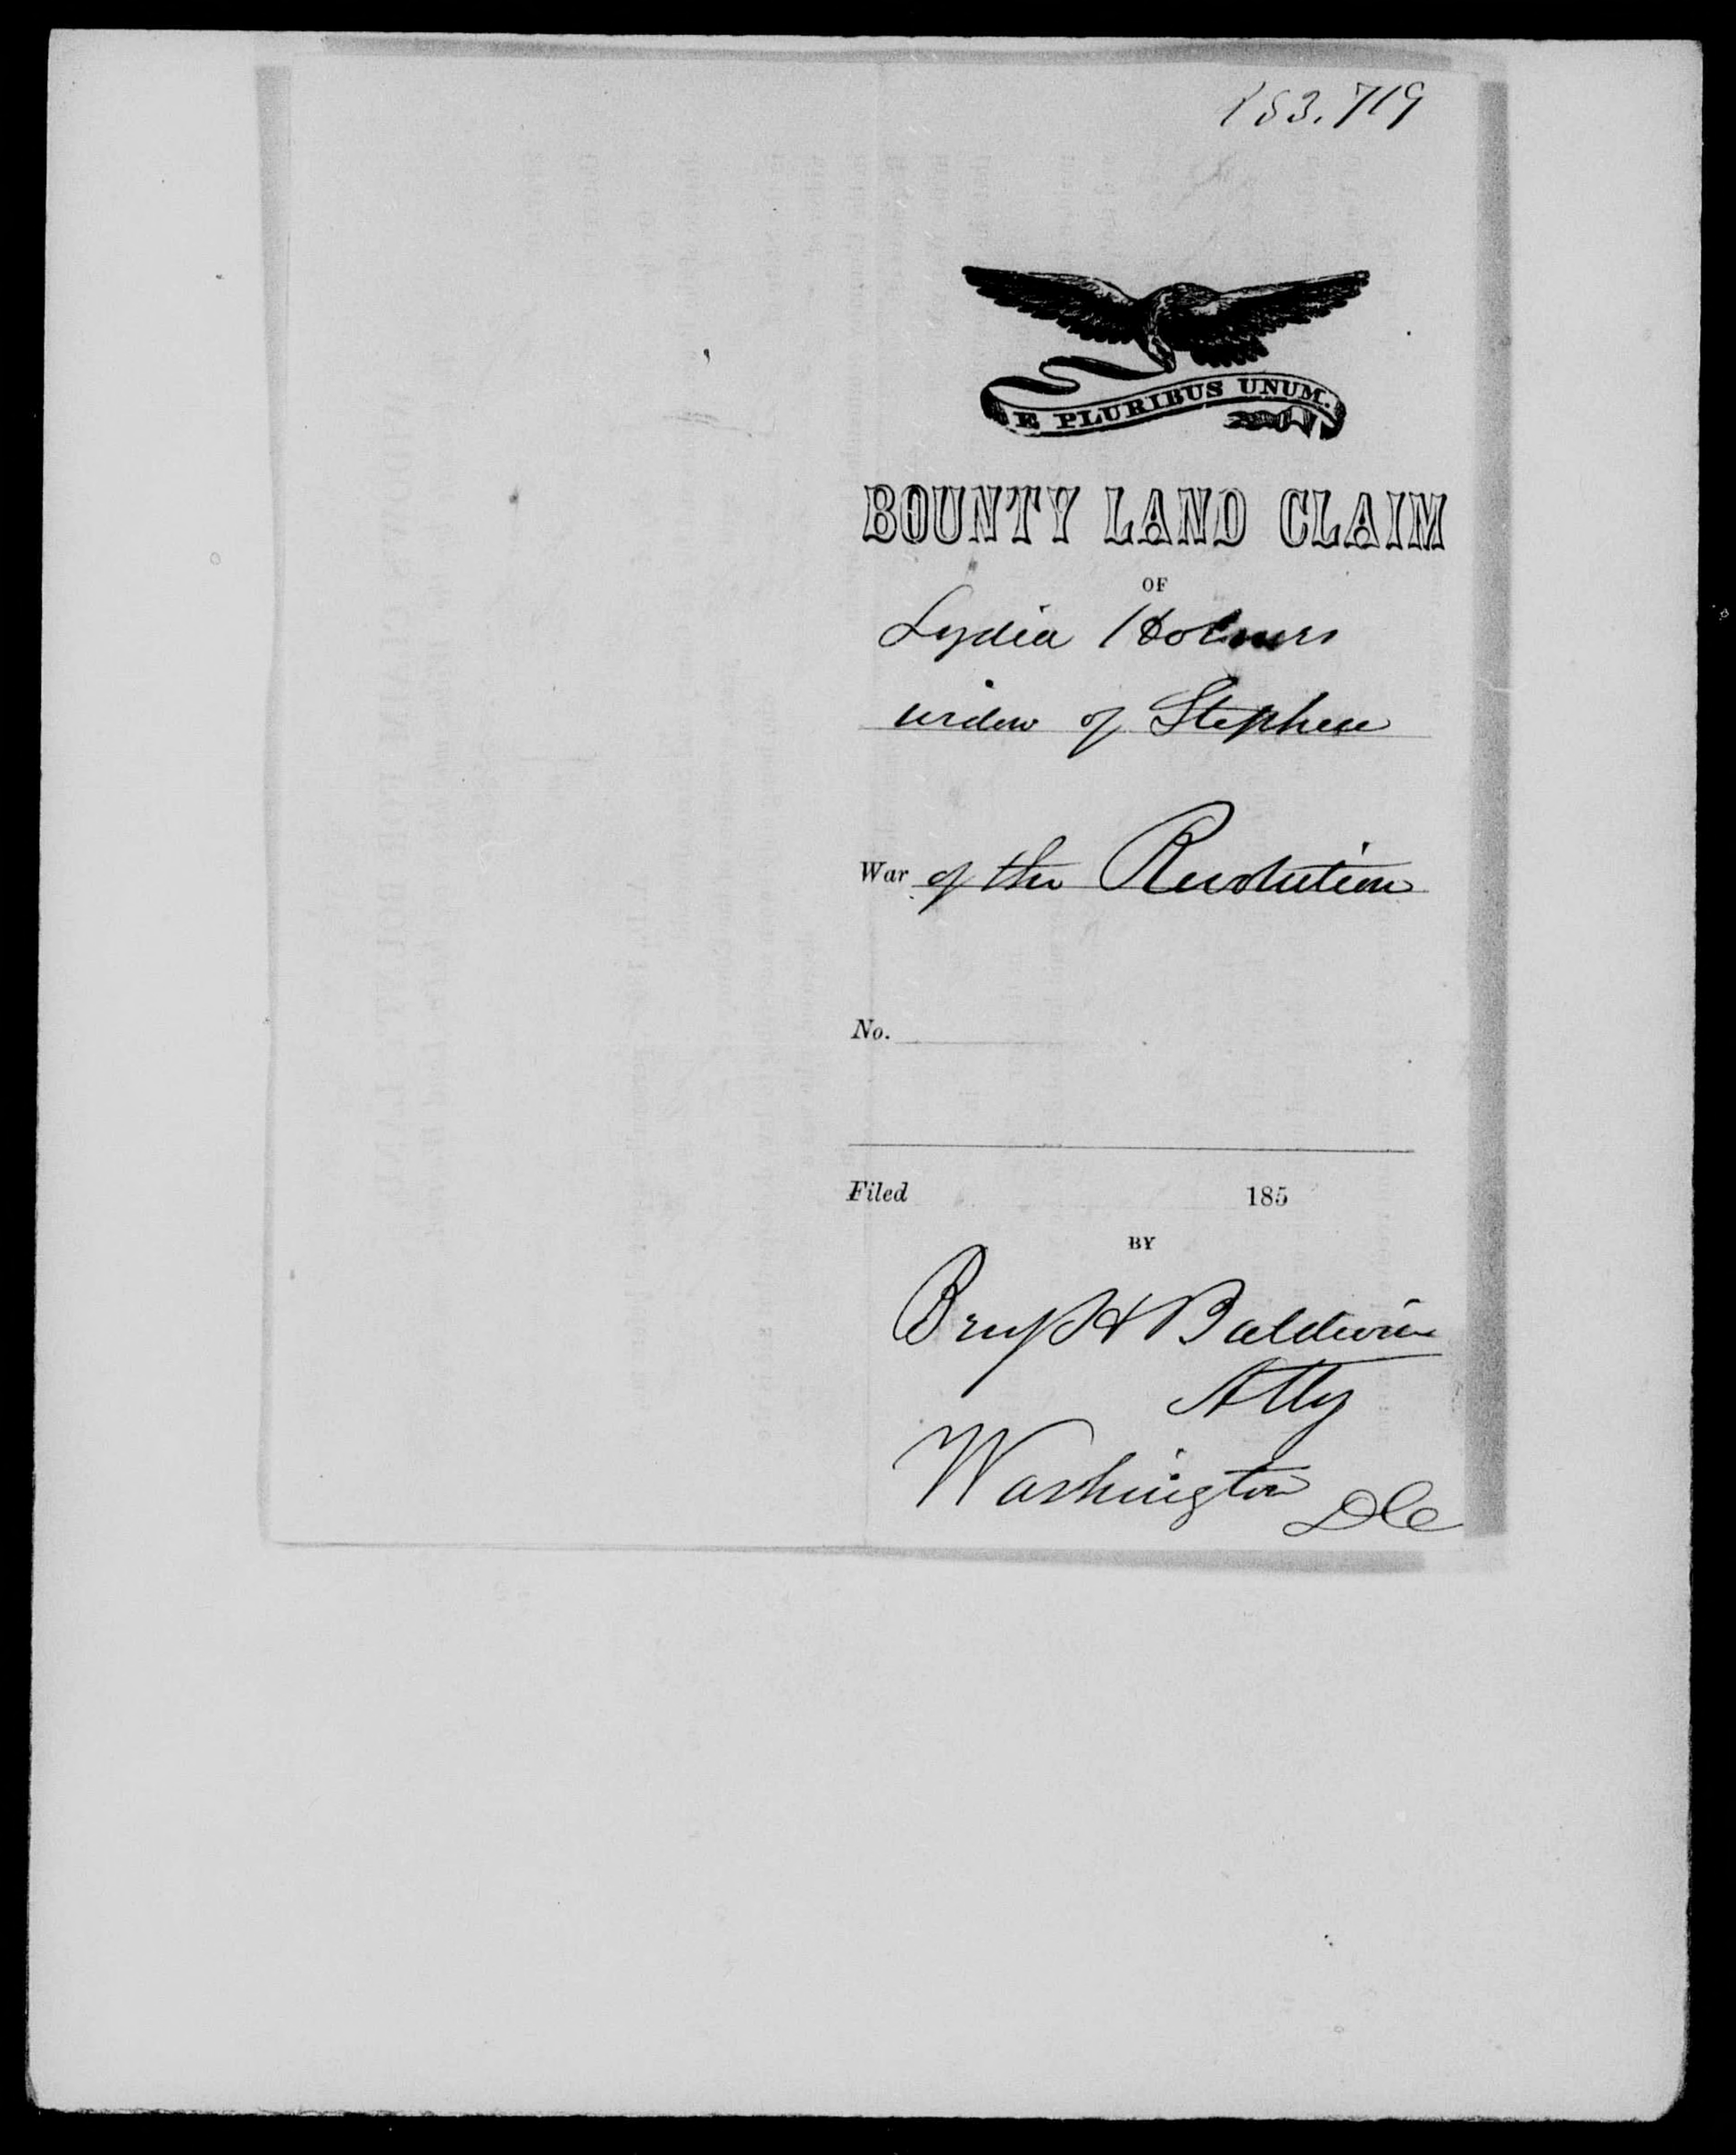[printed image of a bird carrying a banner in its beak, with the words "E PLURIBUM UNUM" on the banner]

BOUNTY LAND CLAIM OF
Lydia Holmes
widow of Stephen

War of the Revolution
No. [blank]

Filed 185
By Benj H Baldwin Atty
Washington DC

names: Benj H Baldwin, Stephen Holmes, Lydia Holmes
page: 15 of 72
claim: widow's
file: W. 7771, Stephen Holmes, Vt.